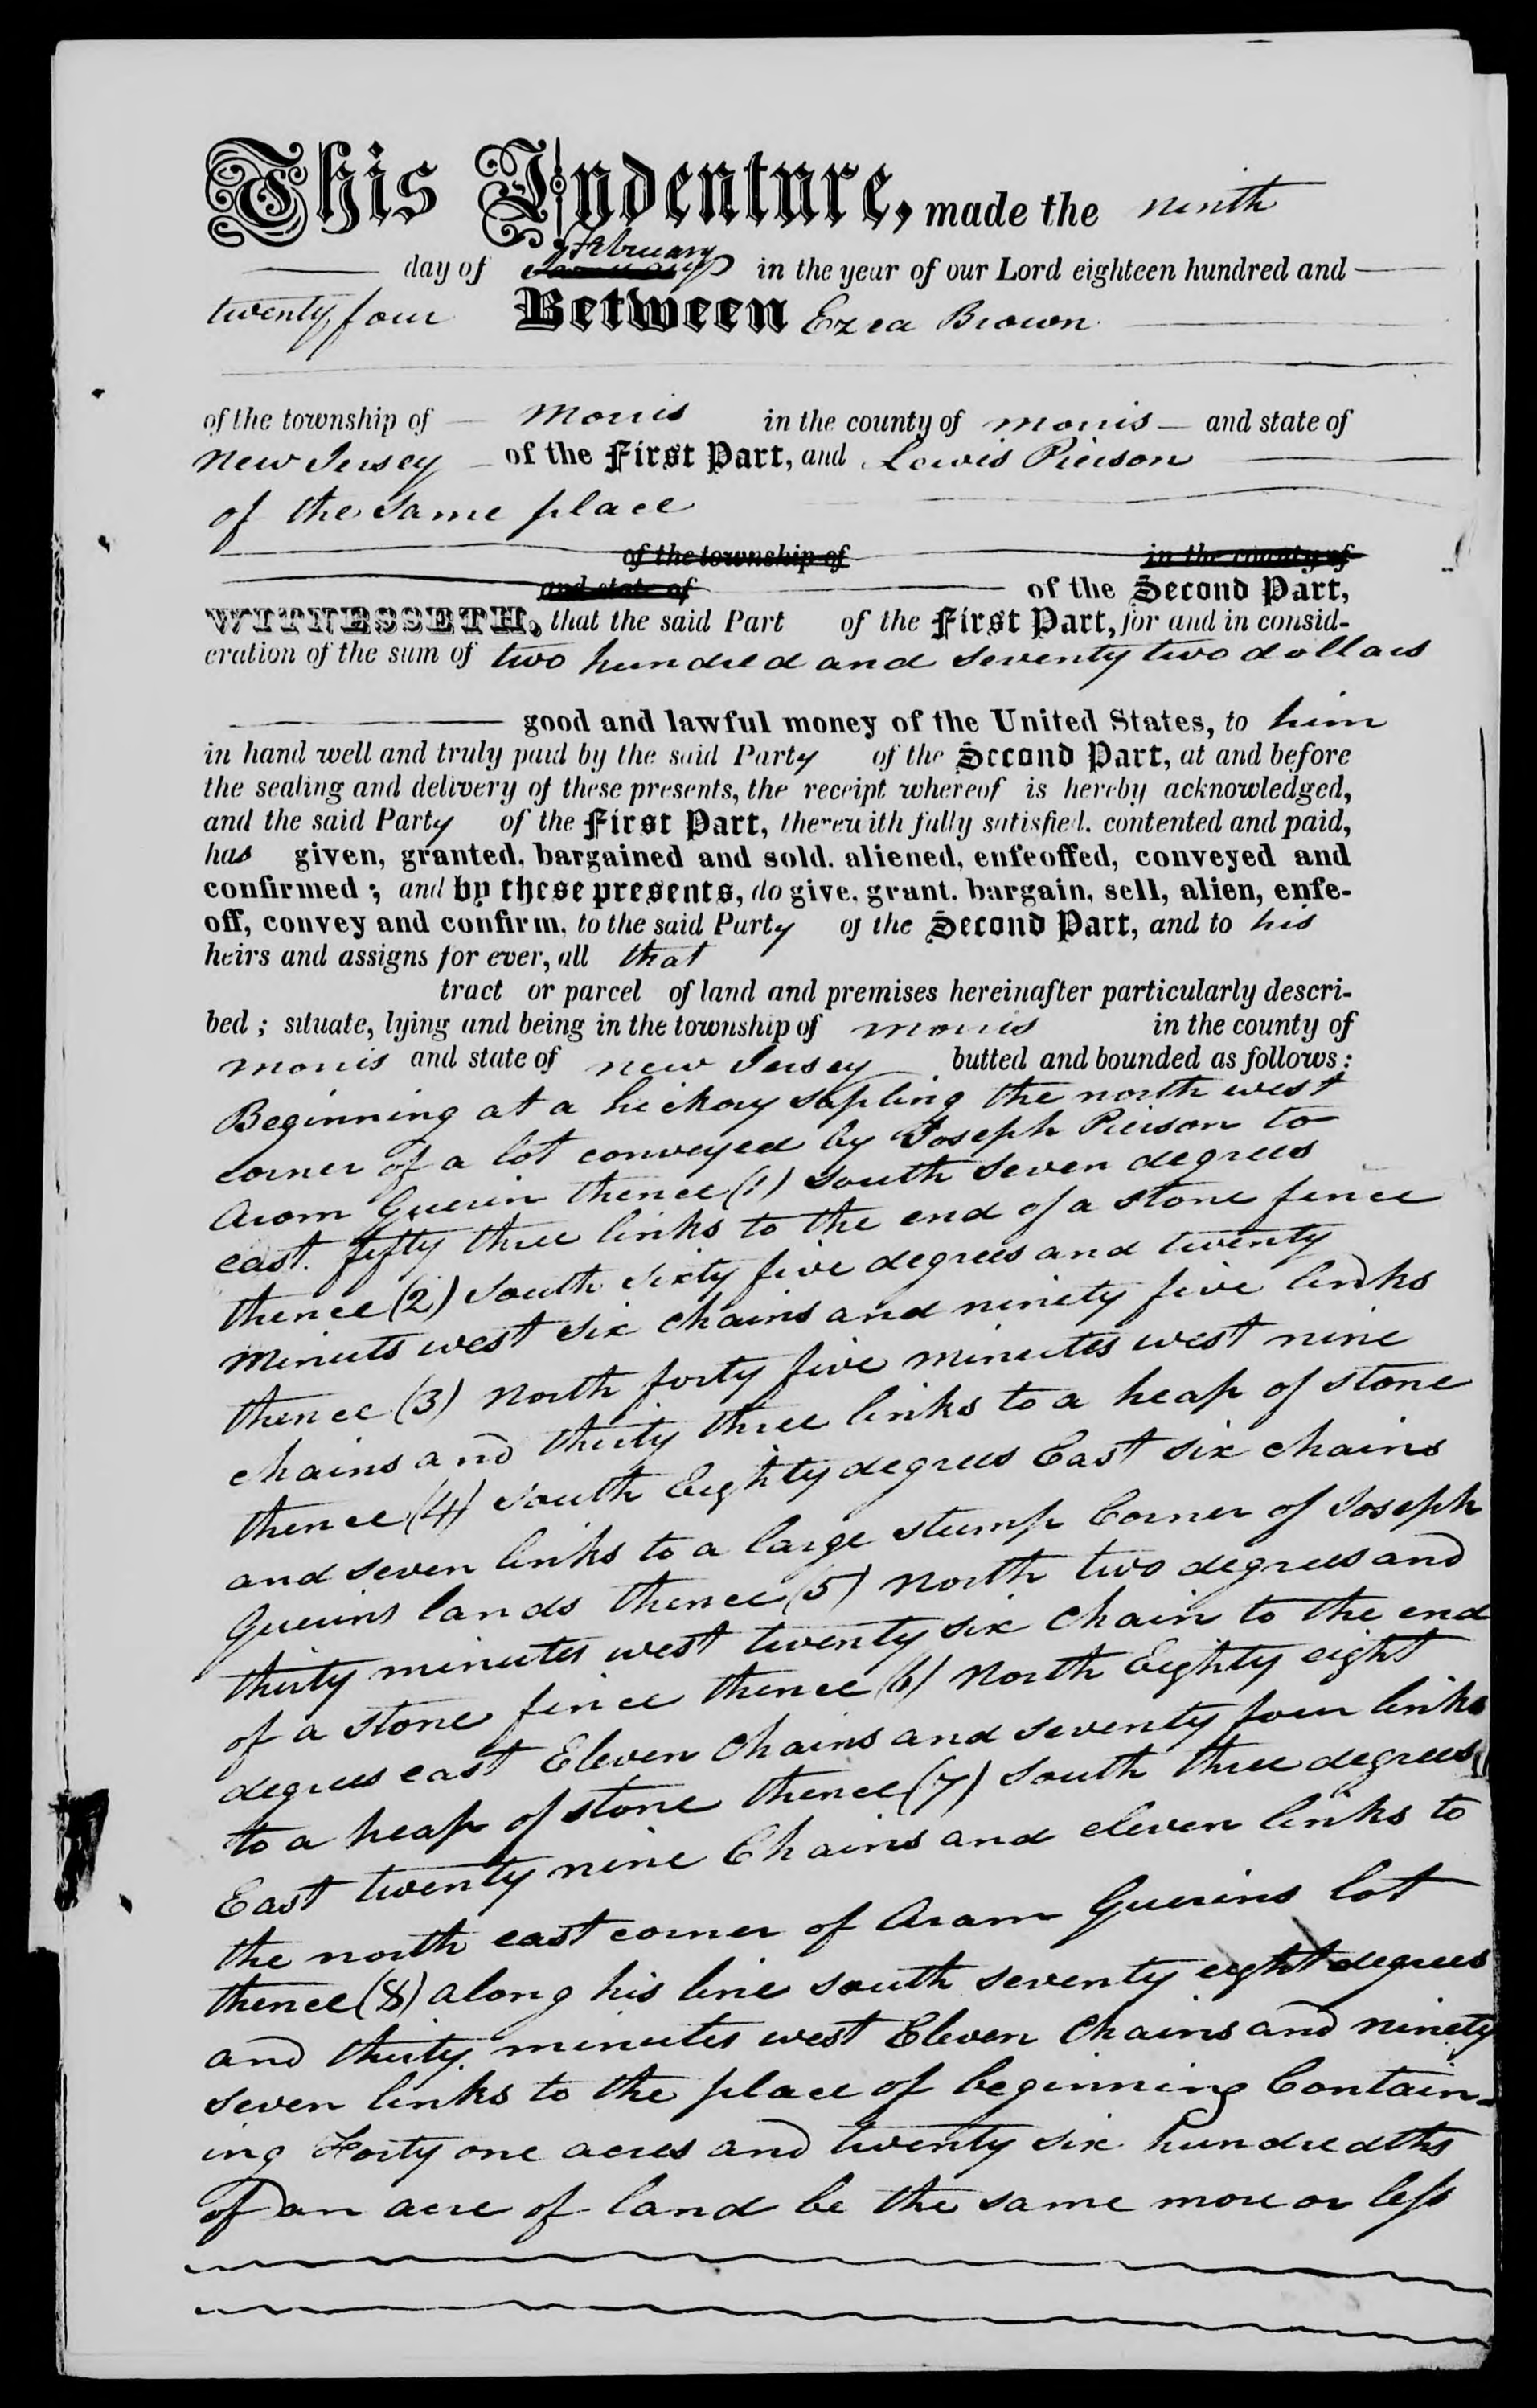This Indenture, made the ninth
day of February in the year of our Lord eighteen hundred and
twenty four Between Ezra Brown 
of the township of Morris in the county of Morris and state of
New Jersey of the first part and Lewis Pierson
of the same place
of the Second Part,
Witnesseth, that the said Part of the First Part, for and in consideration
of the sum of two hundred and seventy two dollars 
good and lawful money of the United States, to him
in hand well and truly paid by the said Party of the Second Part, at and before
the sealing and delivery of these presents, the receipt whereof is hereby acknowledged,
and the said Party of the First Part, therewith fully satisfied contented and paid,
has given, granted, bargained and sold aliened, enfeoffed, conveyed and
confirmed, and by these presents do give, grant, bargain, sell, alien, enfeoff, 
convey and confirm to the said Party of the Second Part, and to his
heirs and assigns for ever, all that
tract or parcel of land and premises hereinafter particularly described,
situate, lying and being in the township of Mornis
in the county of
Morris and state of New Jersey
butted and bounded as follows:
Beginning at a hickory sapling the north west
corner of a lot conveyed by Joseph Pierson to
Arom Guerin thence (1) South Seven degrees
east fifty three links to the end of a stone fence
thence (2 ) South Sixty five degrees and twenty
minuts west six chains and ninety five links
thence (3) North forty five minutes west nine
chains and thirty three links to a heap of stone
thence (4) South Eighty degrees East six chains
and seven links to a large stump Corner of Joseph
Querins lands thence (5) north two degrees and
thirty minutes west twenty six chain to the end
of a stone fence thence (6) North Eighty eight
degrees east Eleven Chains and seventy four links
to a heap of stone thence (7) south three degrees
East twenty nine chains and eleven links to
the north east corner of Aram Guerins lot
thence (8) along his line south seventy eight degrees
and thirty minutes west Eleven Chains and ninety 
seven links to the place of beginning 
Containing 
forty one acres and twenty six hundredths
of an acre of land be the same more or less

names: Lewis Pierson, Ezra Brown, Joseph Guerin, Joseph Pierson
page: 25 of 27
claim: survivor's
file: S. 34,094, Ezra Brown, New Jersey